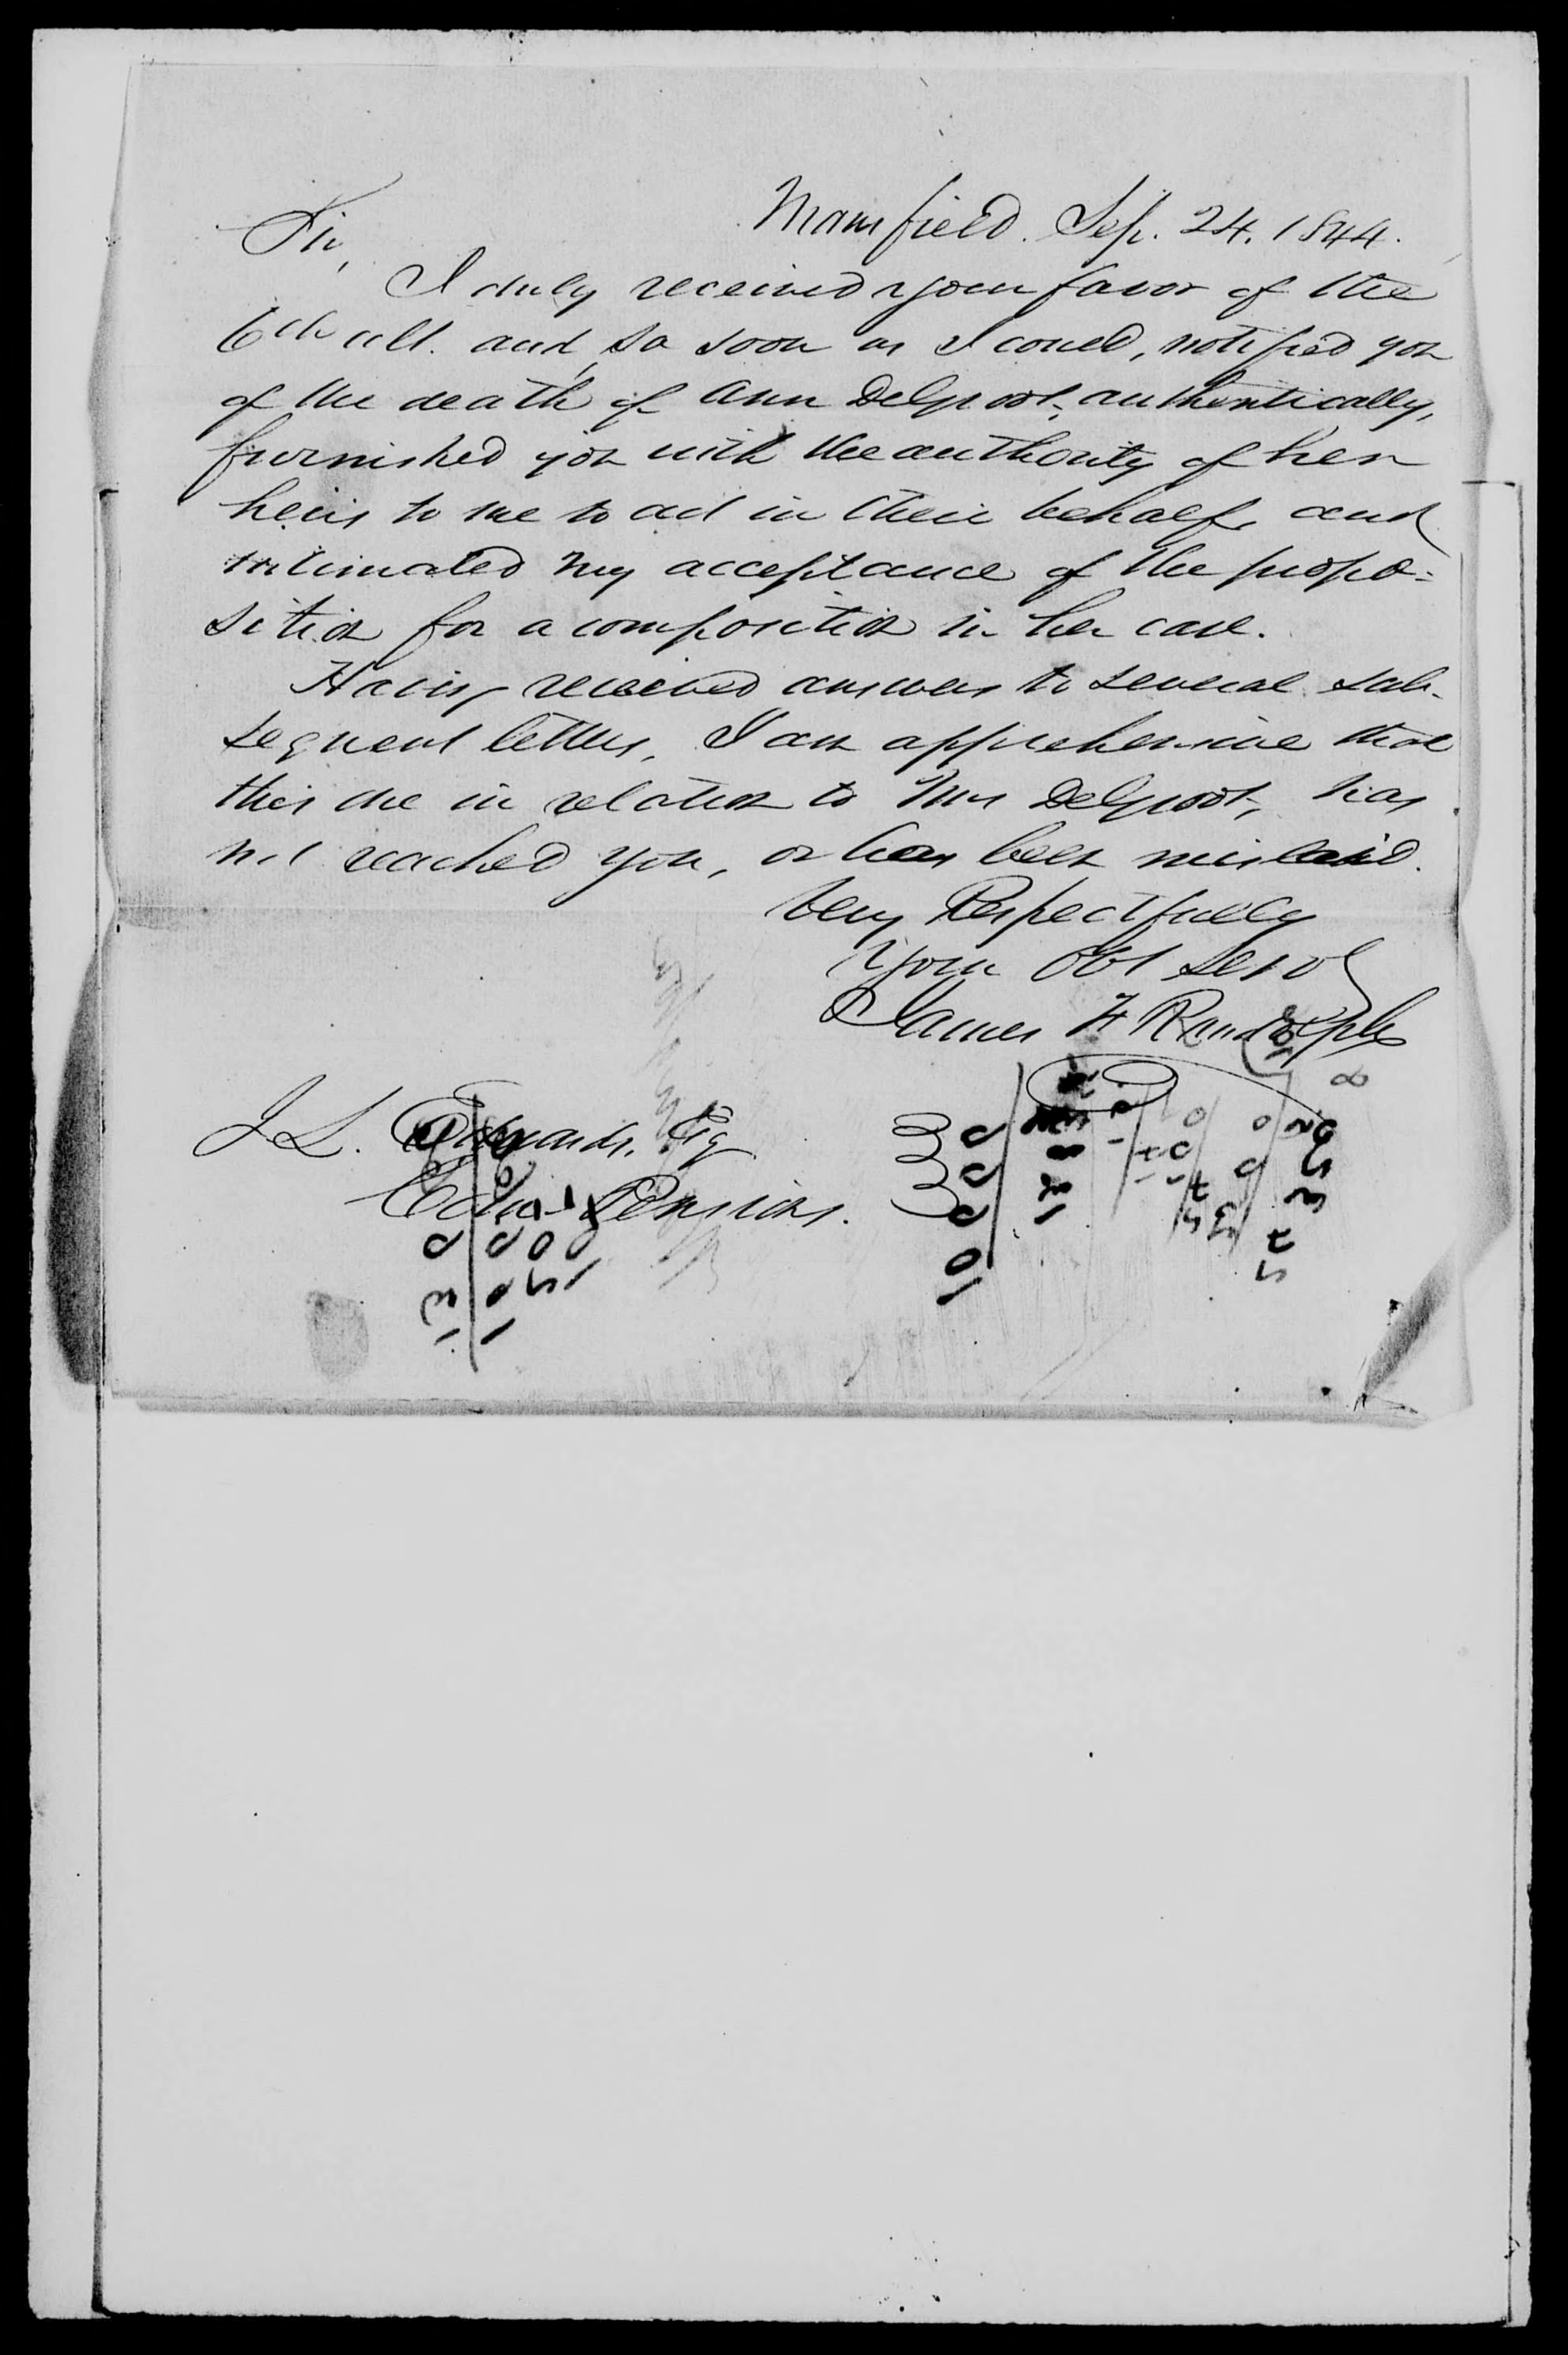Mansfield Sep. 24. 1844
Sir,
I duly received your favor of the 6th  all and so soon as I could, notified you of the death of Ann Degroot, authentically furnished you with the authority of her heirs to me to act in their behalf and intimated my acceptance of the proposition for a composition in her case.
Having received answers to several subsequent letters I am apprehensive that this one is related to Mrs DeGroot, has not reached you, or has been mislaid. 
Very Respectfully Yor Obt Servt James F. Randolph
J L Edwards, Esq [illeg] Pensions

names: Ann De Groot, J L Edwards, De Groot, James F Randolph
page: 35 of 77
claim: widow's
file: W. 417, William De Groot, New Jersey